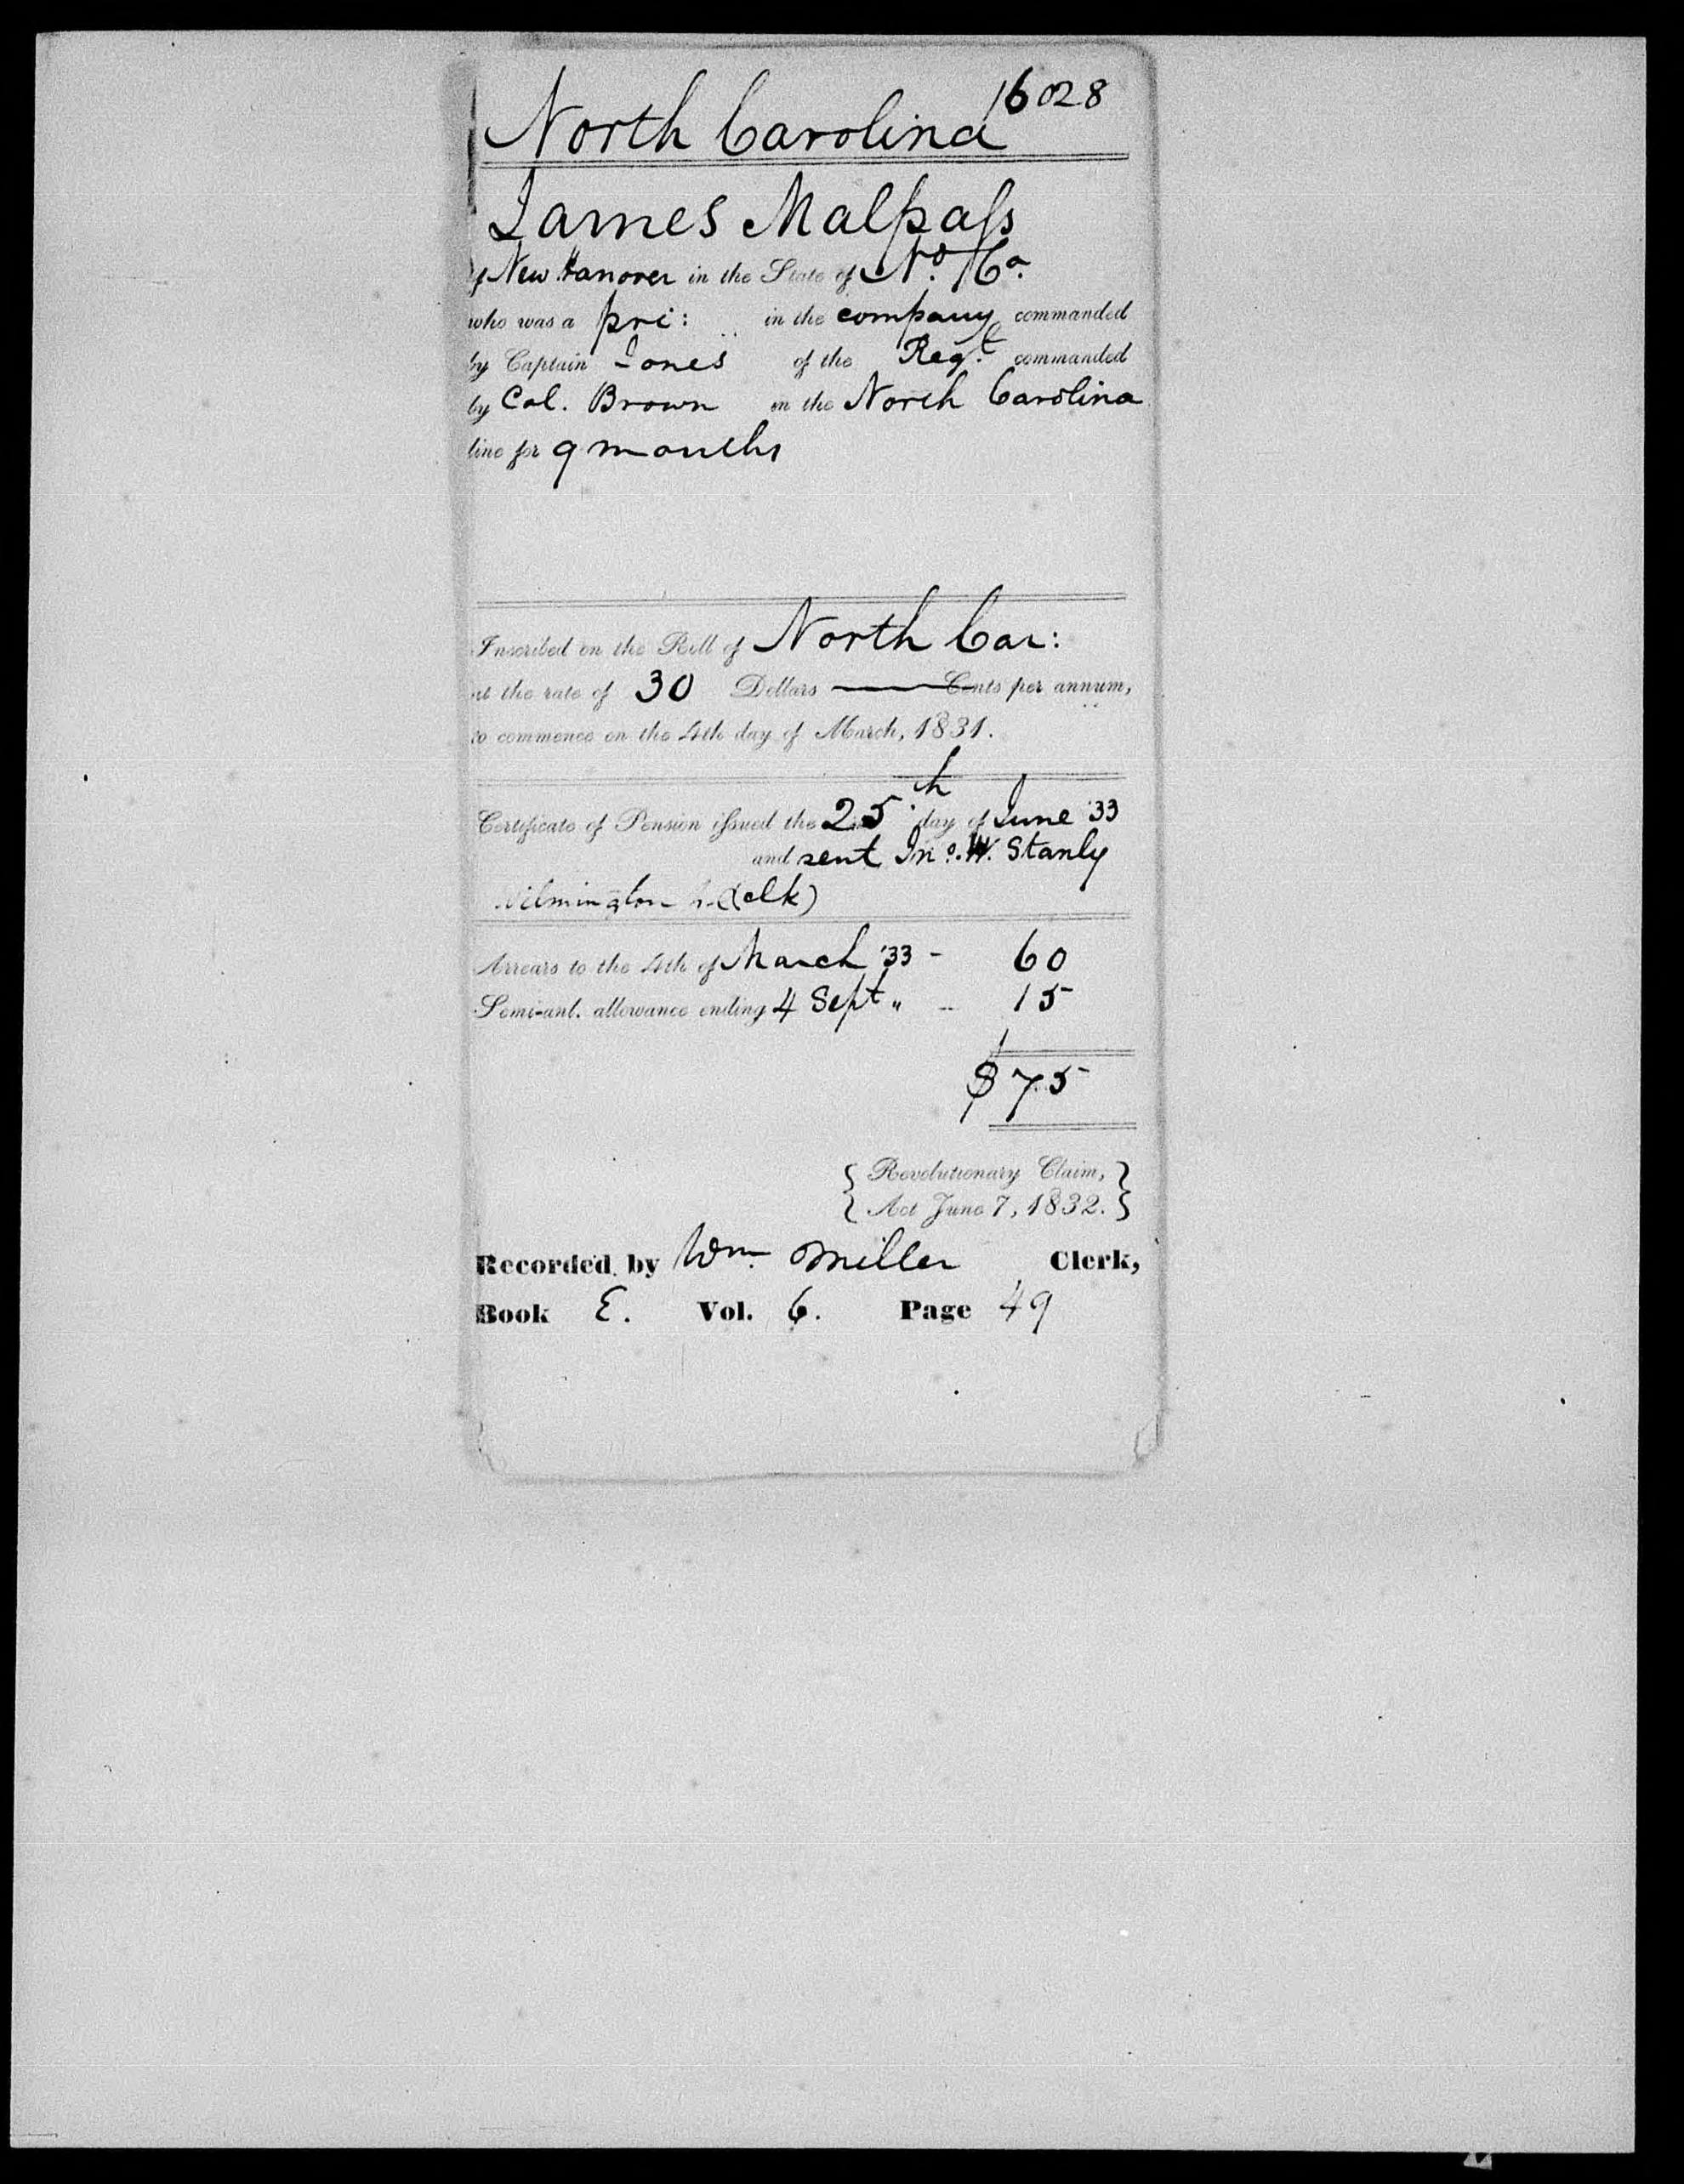North Carolina
16028
James Malpass
of New Hanover in the State of No. Ca.
who was a pri: in the company commanded by Captain Jones of the Reg. commanded by Col. Brown in the North Carolina line for 9 months.
Inscribed in the Roll of North Car: at the rate of 30 Dollars --- Cents per annum, to commence on the 4th day of March, 1834.
Certificate of Pension issued the 25th day of June '33 and sent.  Jno. W. Stanly
Wilmington, NC (clk)
Arrears to the 4th day of March '33 - 60
Semi-al. allowance ending 4 Sept. '33 - 15
$75
Revolutionary Claim, 
Act June 7, 1832.
Recorded by Wm. Miller, Clerk,
Book E. Vol. 6 Page 49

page: 2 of 9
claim: survivor's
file: S. 9,399, for James Malpass, North Carolina